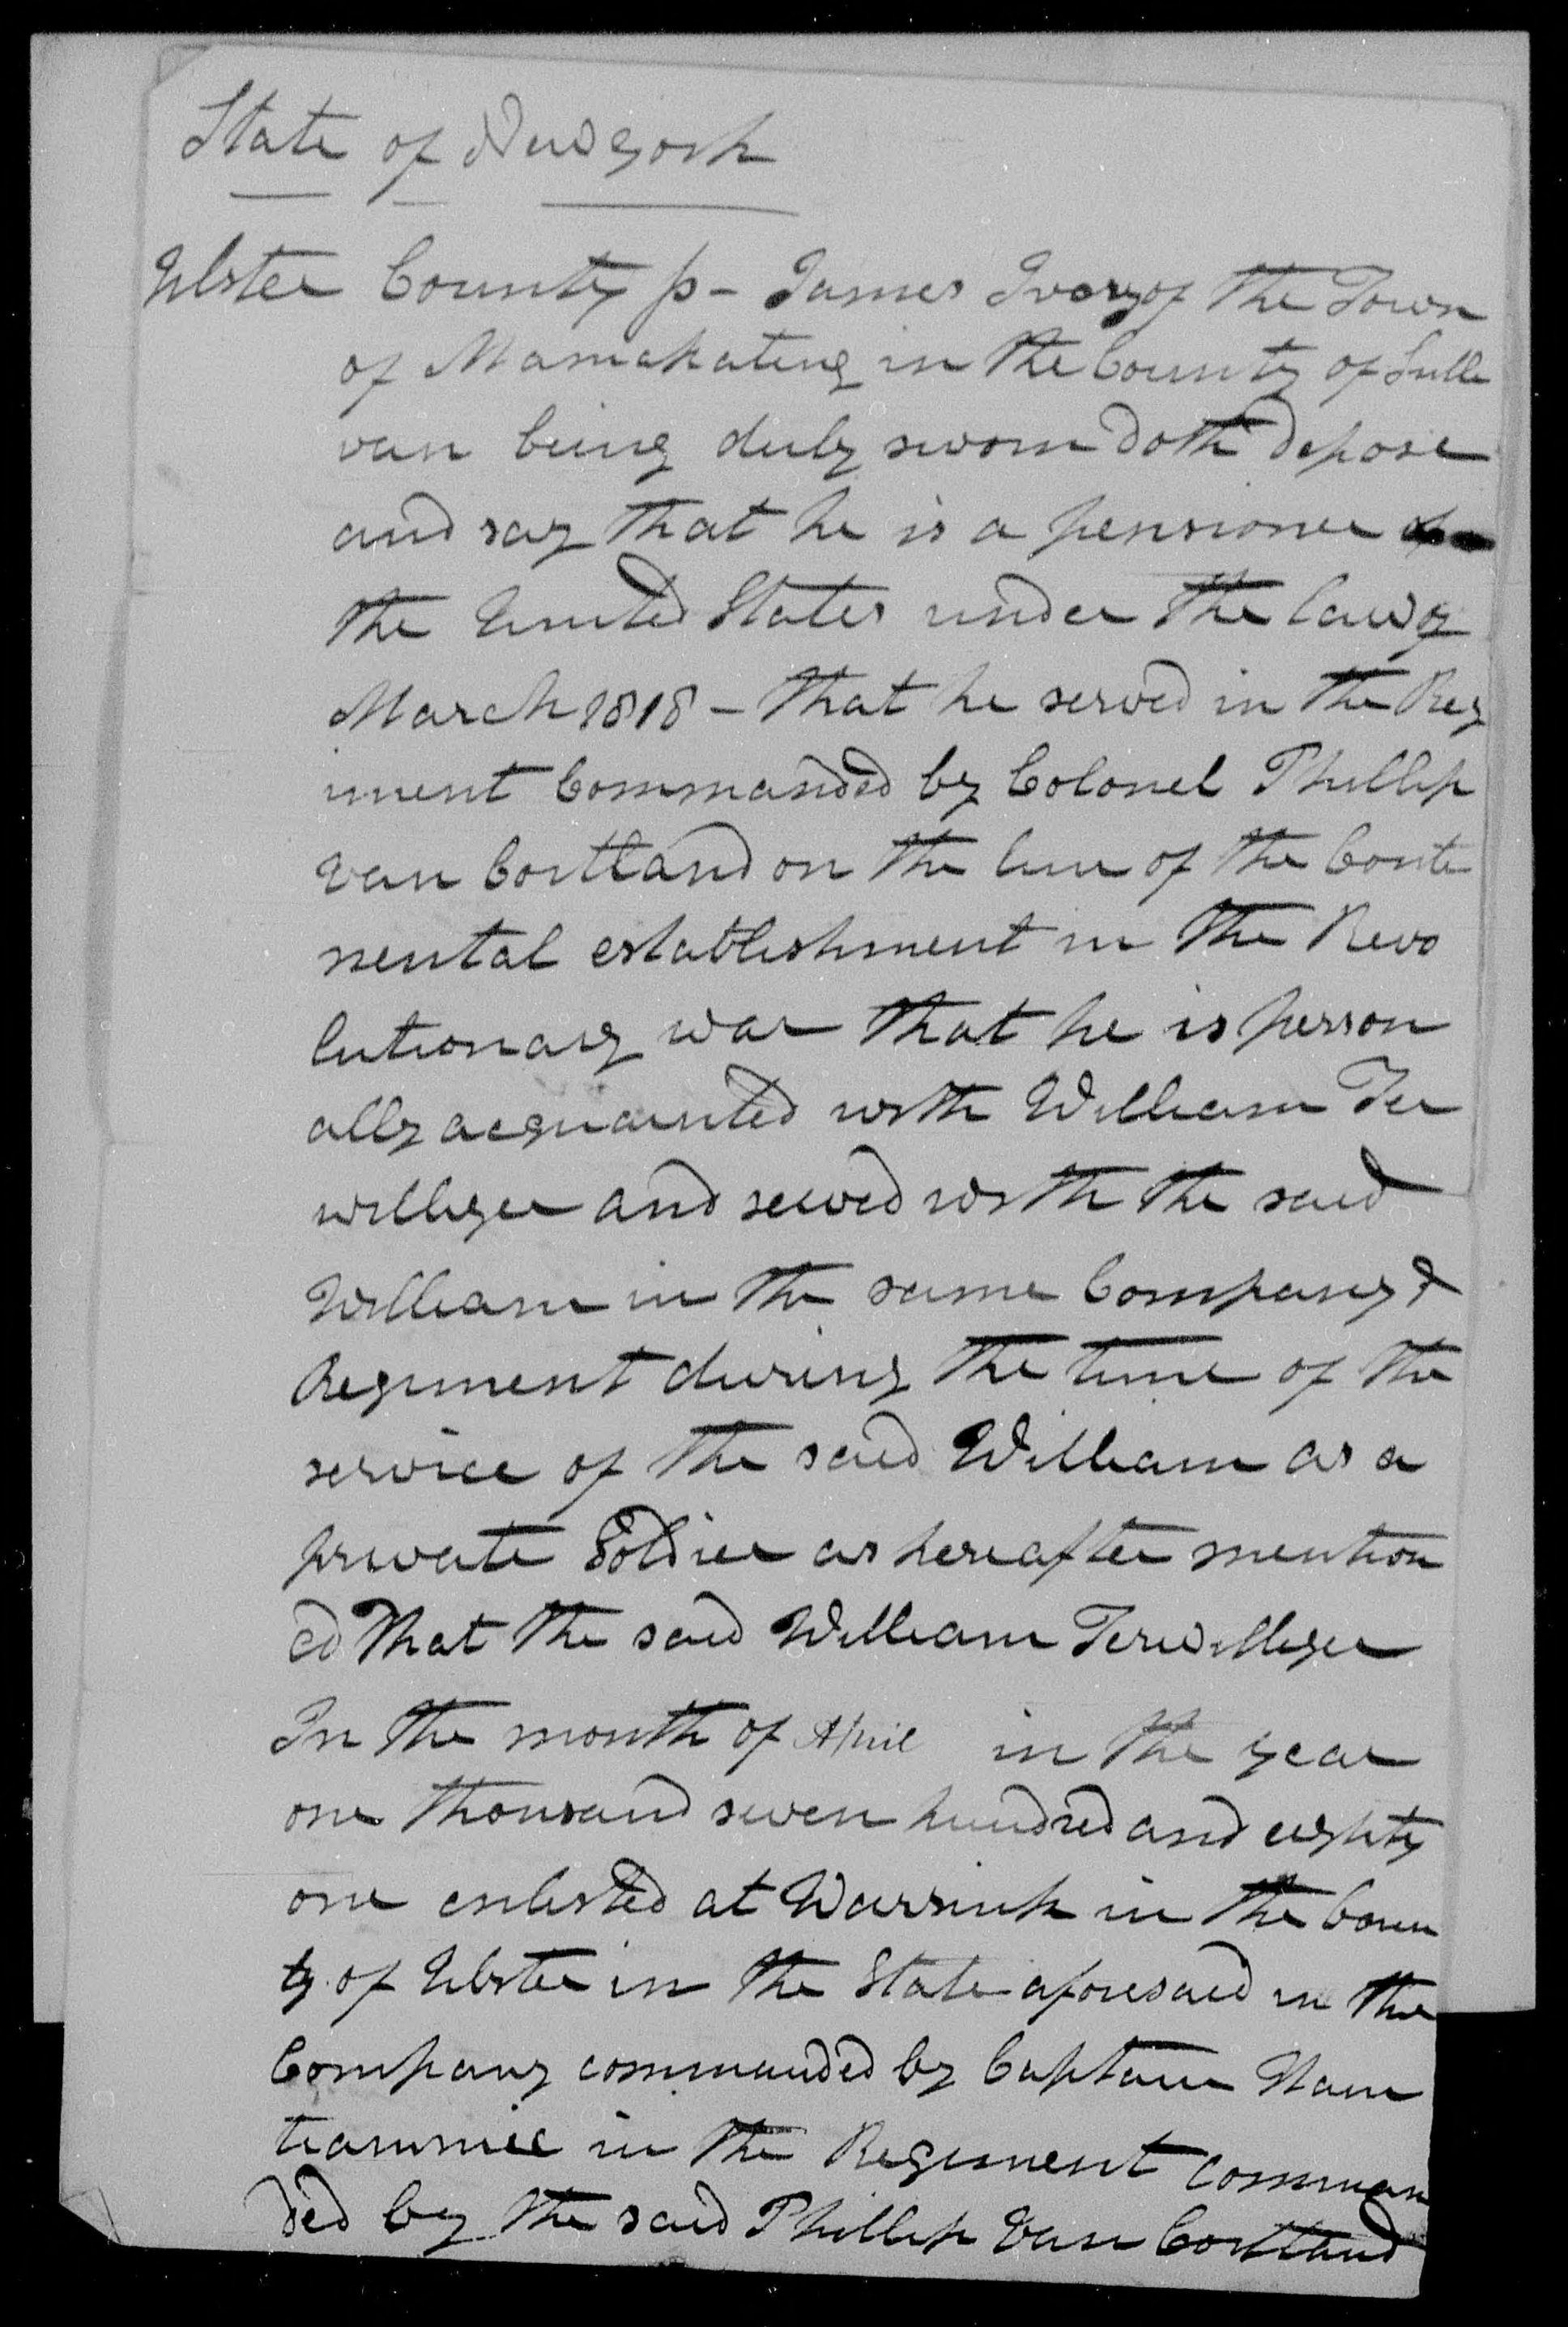State of New York
Ulster County - James Ivory of the Town of
Mamakating in the County of Sullivan being duly sworn doth depose
and say that he is a pensioner of
the United States under the law of
March 1818 - that he served in the Regiment commanded by Colonel Phillip
Van Cortland on the line of the Continental establishment in the Revolutionary war that he is personally acquainted with William Terwilliger and served with the said
William in the same Company
Regiment during the time of the
he
service of the said William as a
private soldier as hereafter mentioned
that the said William Terwilliger
In the month of April in the year
one thousand seven hundred and eighty
one enlisted at Warrick in the County of Ulster in the State aforesaid in the
Company commanded by Captain Name
teams in the Regiment commanded by the said Phillip Case Cortland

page: 44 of 64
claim: survivor's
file: S. 42,464, for William Terwilliger, New York